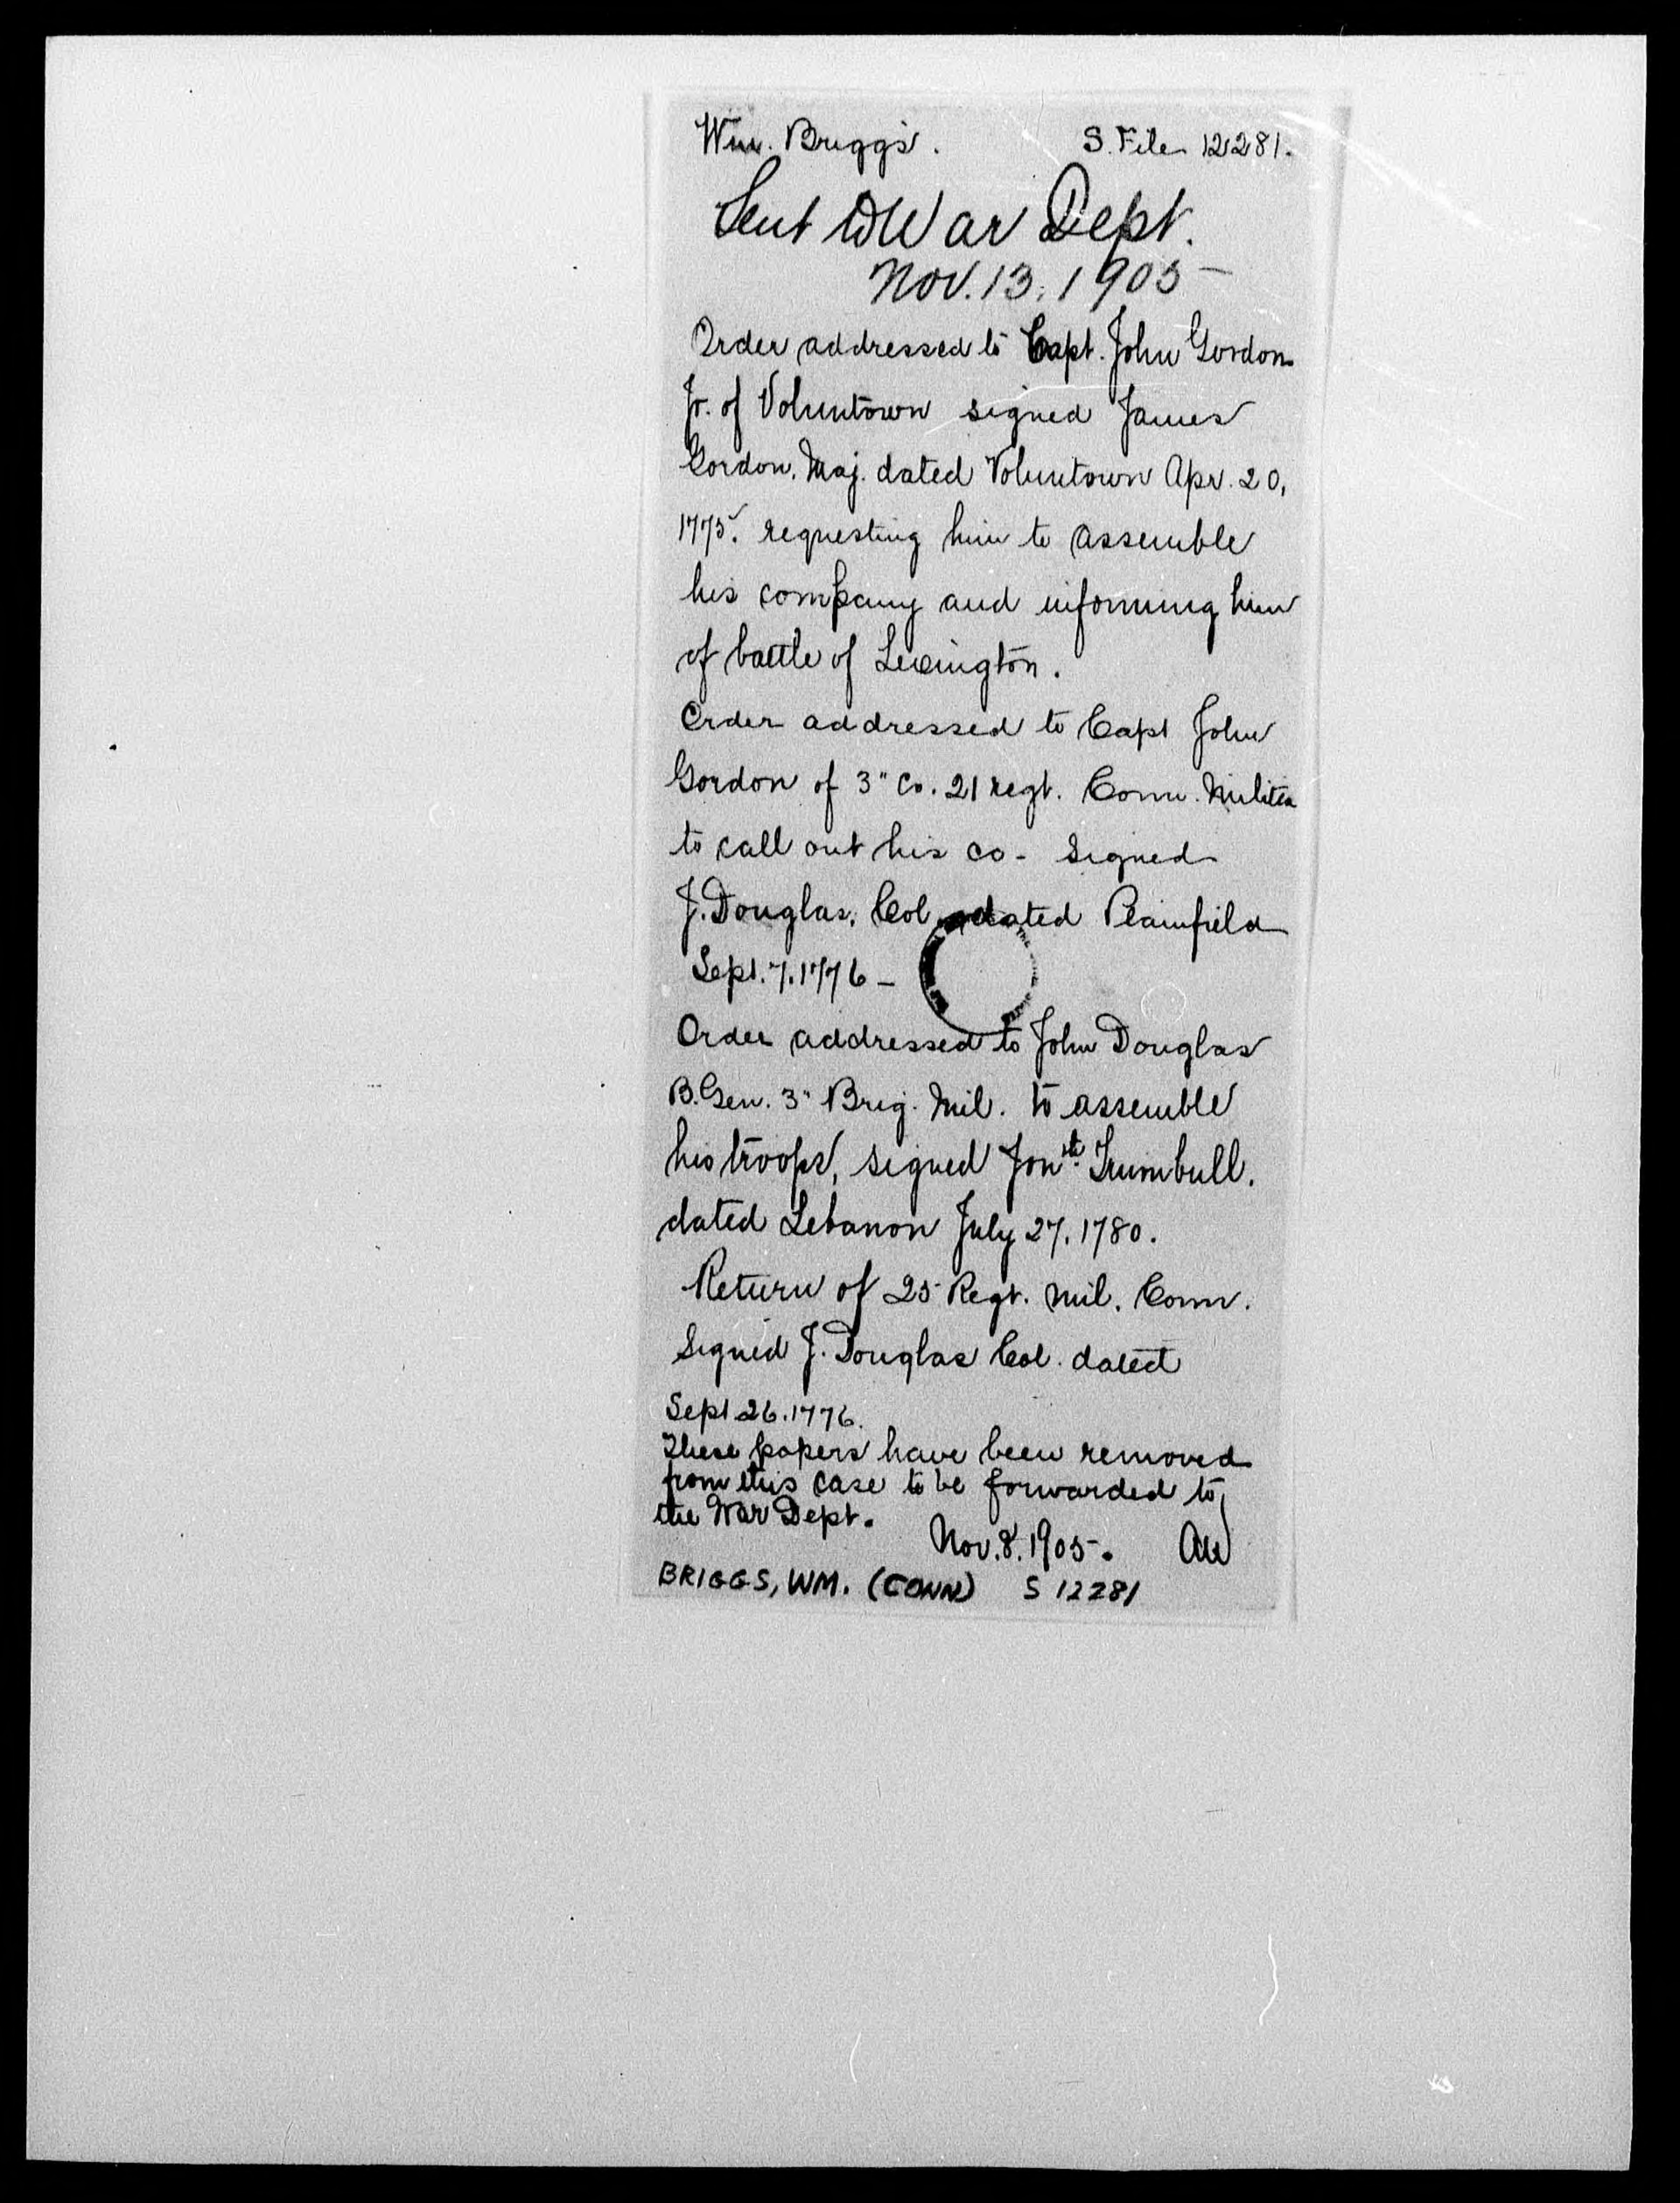Wm Briggs 
S. File 12281. 

Sent to War Dept. 
Nov. 13. 1905 

Order addressed to Capt. John Gordon Jr. of Voluntown signed James Gordon, Maj. dated Voluntown Apr. 20 1775 requesting him to assemble his company and informing him of battle of Lexington. 

Order addressed to Capt John Gordon of 3" Co. 21 regt. Conn. Militia to call out his co. signed J. Douglas Col dated Plainfield Sept. 1776. 

Order addressed to John Douglas B. Gen. 3" Brig. Mil. to assemble his troops, signed Jon Turnbull, dated Lebanon July 27, 1780. 

Return of 25 Regt Mill, Conn Signed J. Douglas Col dated Sept 26 1776. 

these papers have been removed from this case to be forwarded to the War Dept. 
Nov. 8, 1905.  AW

BRIGGS, WM. (C0NN)  S12281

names: J Douglas, John Gordon, John Douglas, J Douglas, Wm Briggs, James Gordon, Wm Briggs, John Gordon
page: 13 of 37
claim: survivor's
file: S. 12,281, William Briggs, Conn.